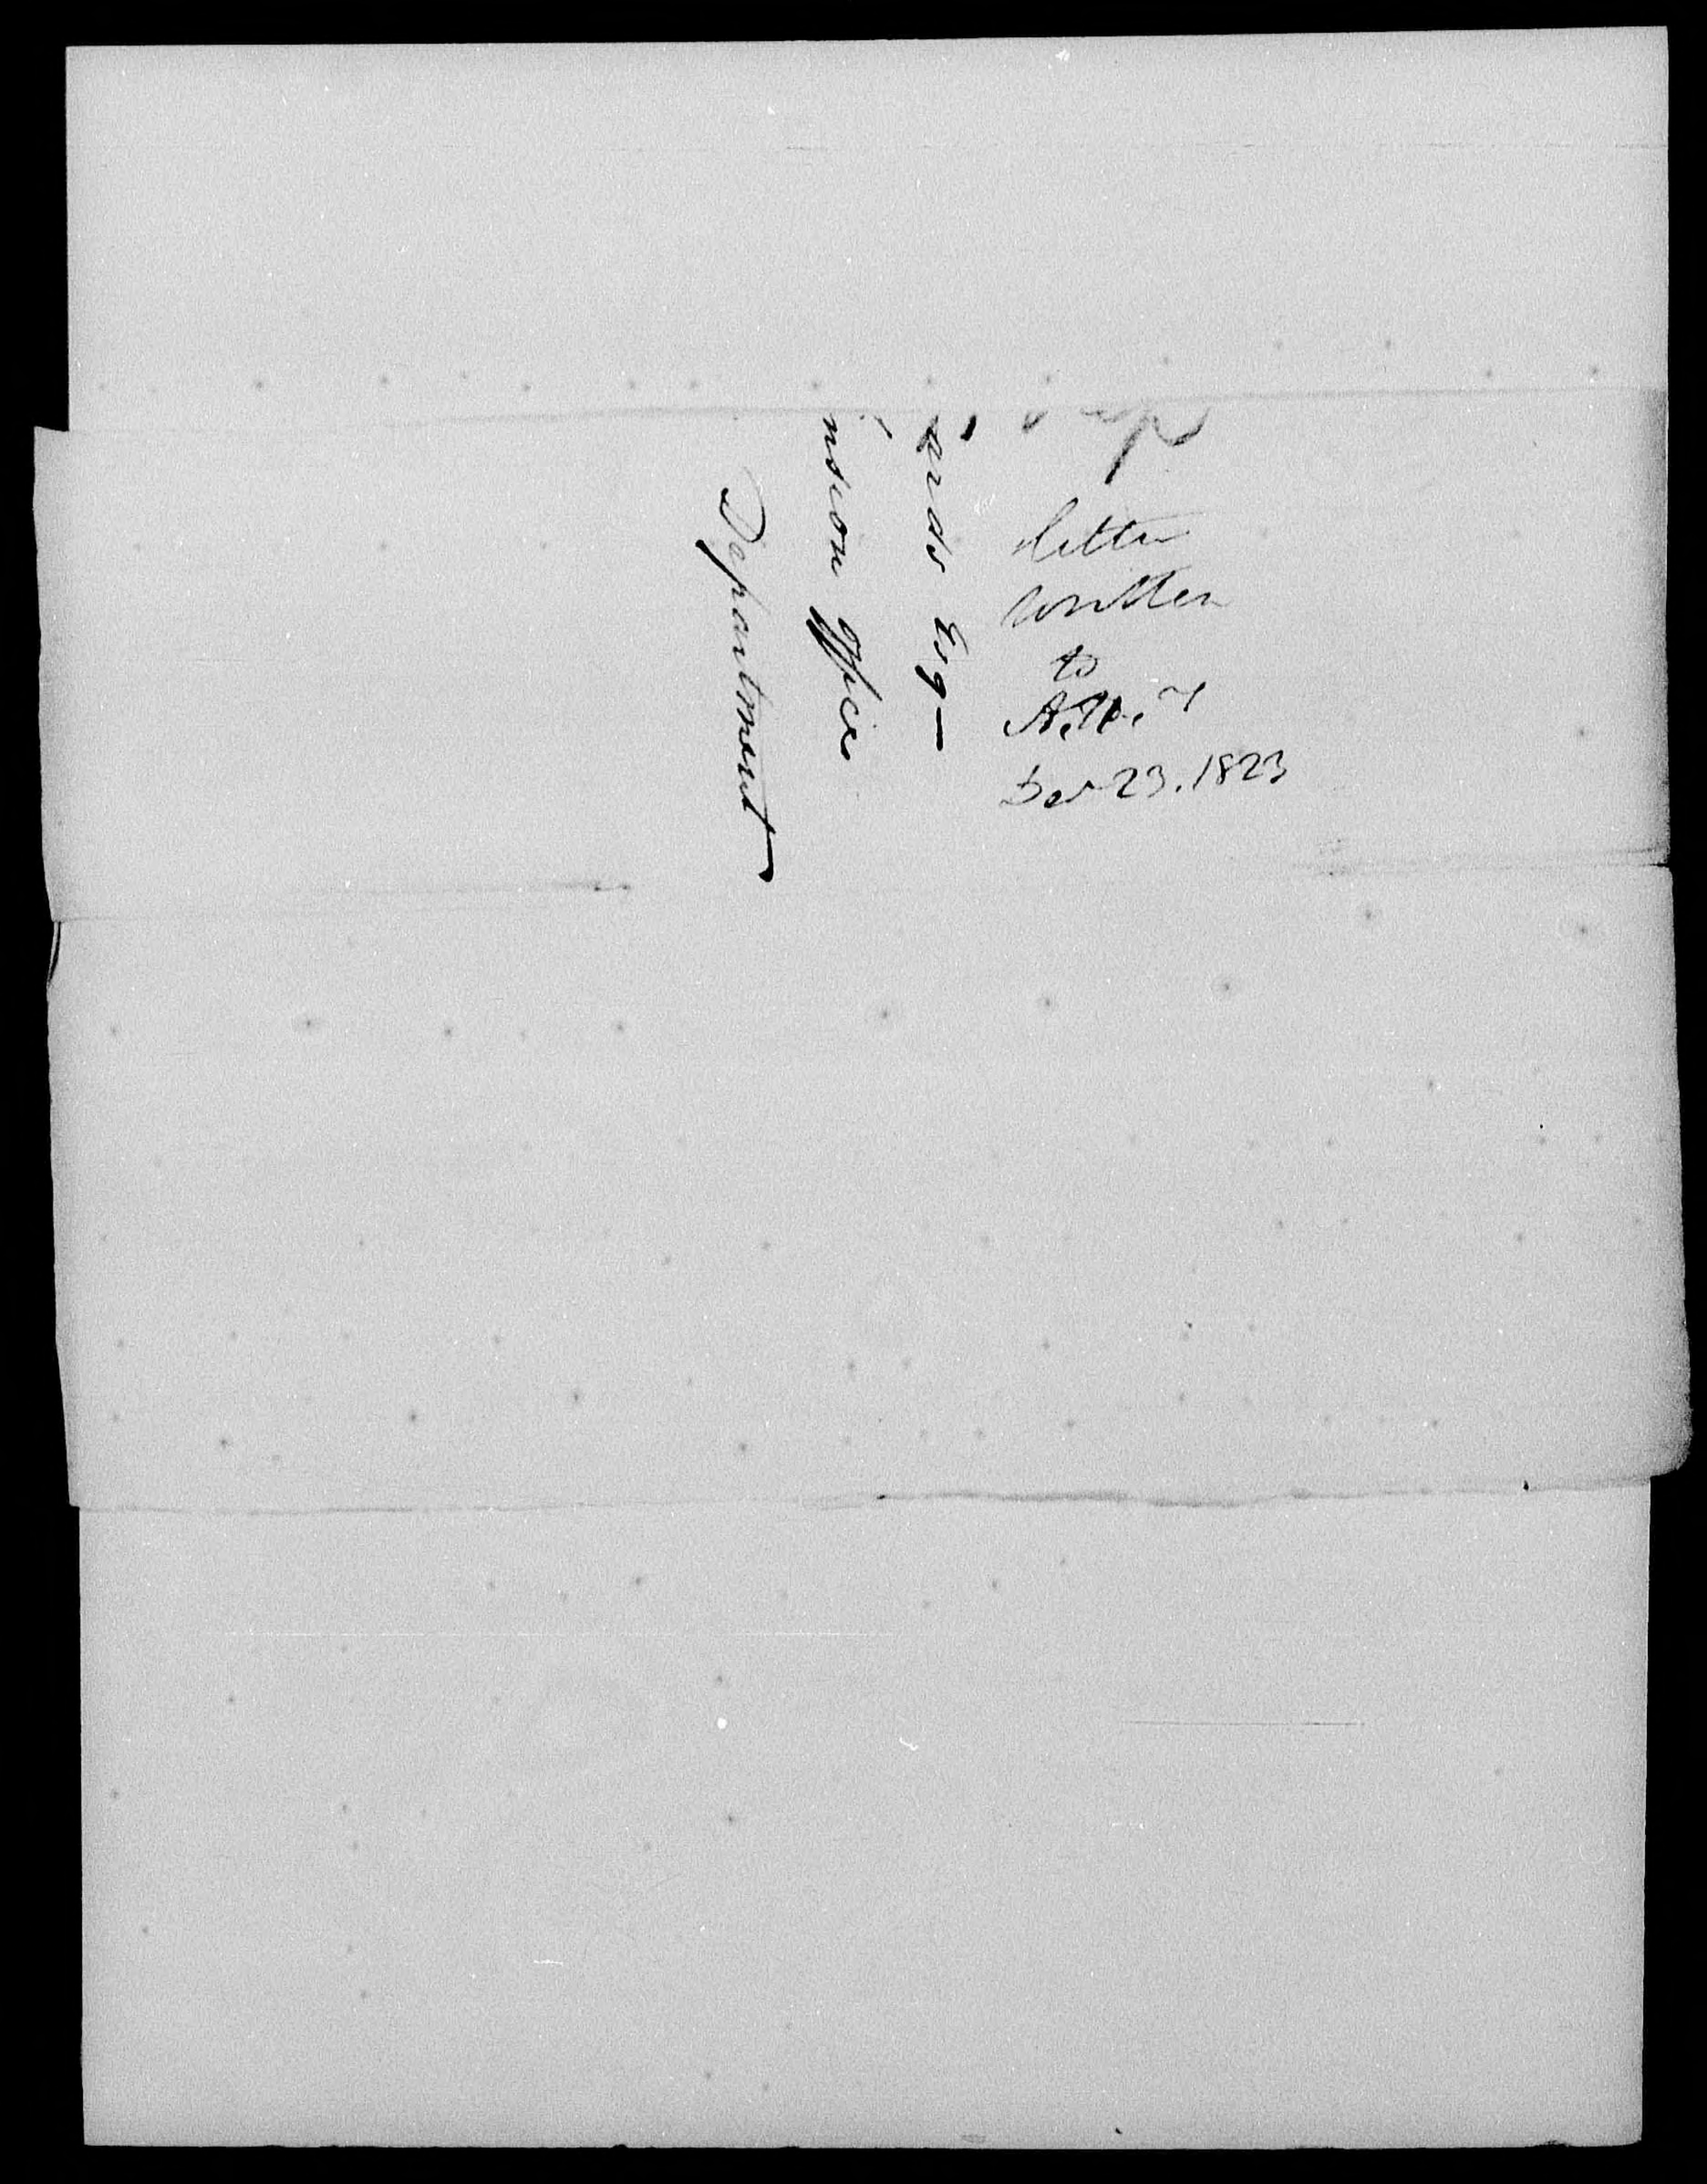[sideways]
Pension office Department 

letter written to A.W. of [illegible] 23. 1823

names: Edwards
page: 11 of 33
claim: survivor's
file: S 43571, Thomas Frink, Mass.